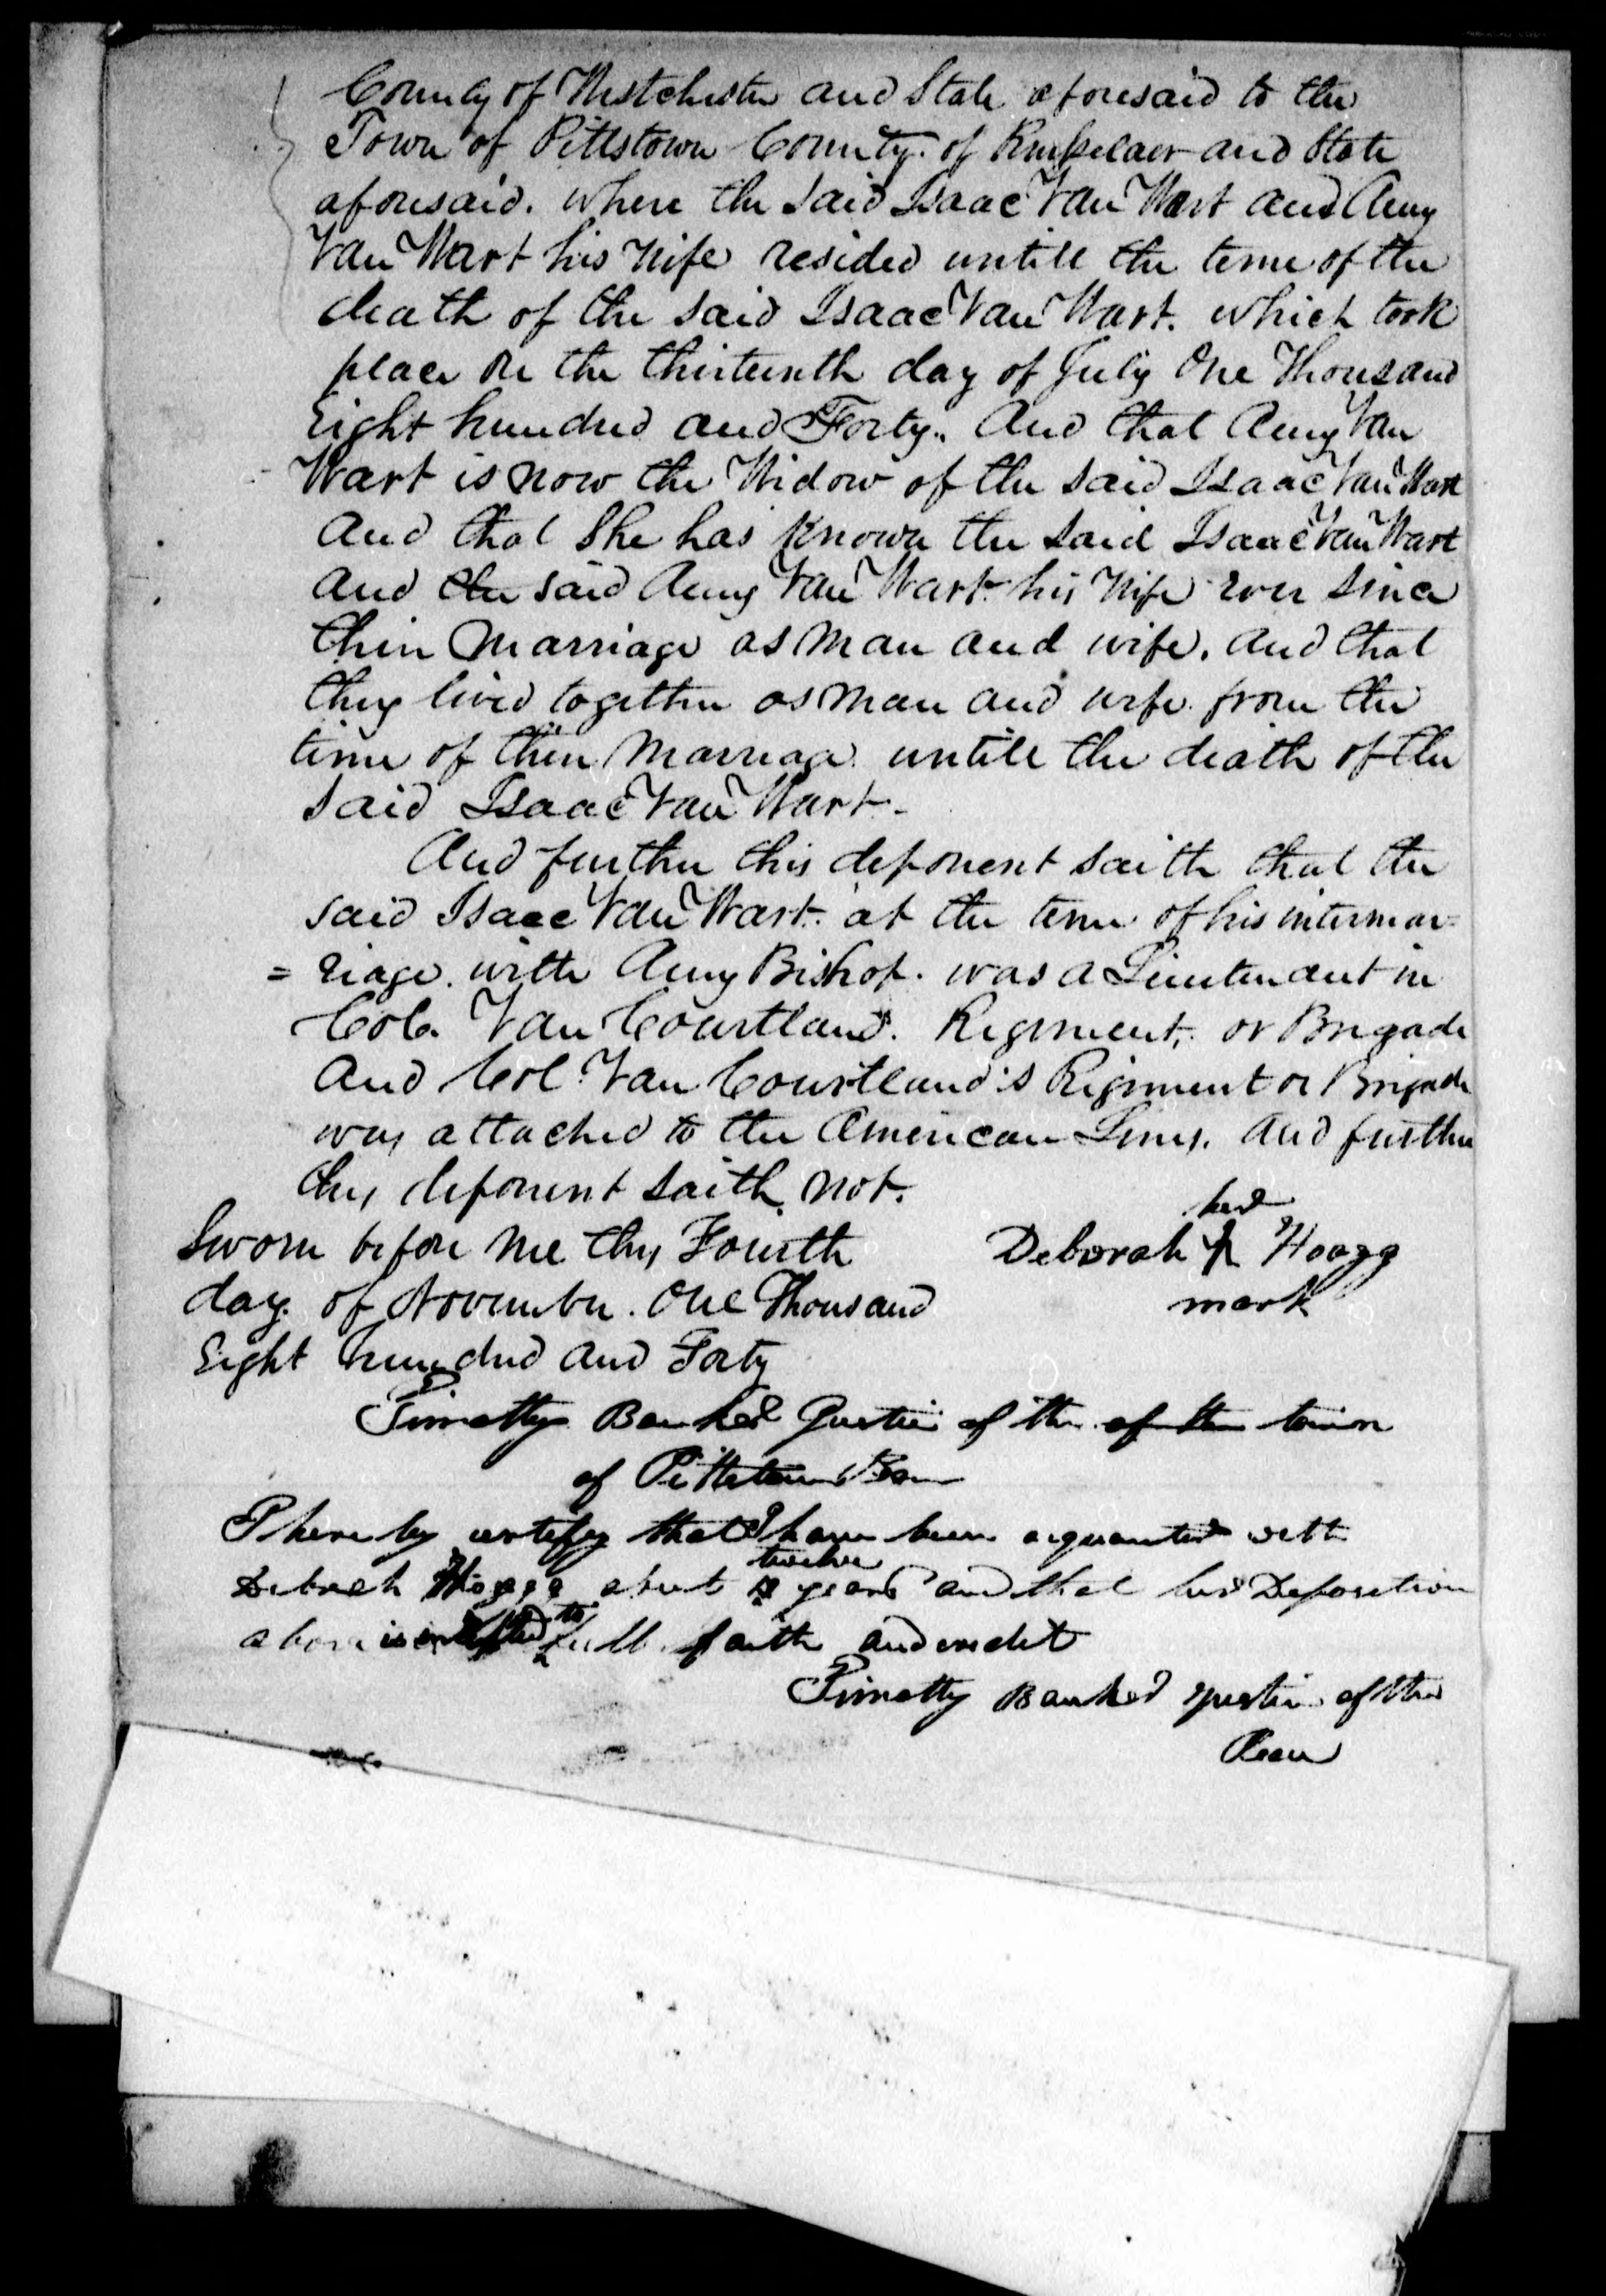County of Westchester and State aforesaid to the Town of Pittstown County of Rensselaer and State aforesaid. where the said Isaac Van Wart and Amy Van Wart his wife resided untill the time of the death of the said Isaac Van Wart. which took place on the thirteenth day of July One Thousand Eight hundred and Forty. And that Amy Van Wart is now the Widow of the said Isaac Van Wart and that she has known the said Isaac Van Wart and the said Amy Van Wart his wife ever since their marriage as man and wife. And that they lived together as man and wife from the time of the Marriage untill the death of the said Isaac Van Wart.
And further this deponent saith that the said Isaac Van Wart at the time of his intermarriage with Amy Bishop. was a Lieutenant in Col Van Courtland Regiment or Brigade and Col Van Courtland's Regiment or Brigade was attached to the American Lines. And further this deponent saith not. 
[signed] Deborah Hoagg X her mark
Sworn before me this Fourth day of November One Thousand Eight hundred and Forty 
[signed] Timothy Banker Justice of the [of the, crossed out] town of Pittston 
I hereby certify that I have been acquainted with Debreh Hoagg about twelve years and that her Deposition above is entitled to full faith and credit 
[signed] Timothy Banker Justice of the Peace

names: Isaac Van Wart, Timothy Banker, Isaac Van Wart, Isaac Van Wart, Amy Bishop, Amy Van Wart, Amy Van Wart, Amy Van Wart, Deborah Hoagg, Isaac Van Wart, Timothy Banker, Debrah Hoagg, Isaac Van Wart, Isaac Van Wart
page: 78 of 102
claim: widow's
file: W. 18239, Isaac Van Wart, New York